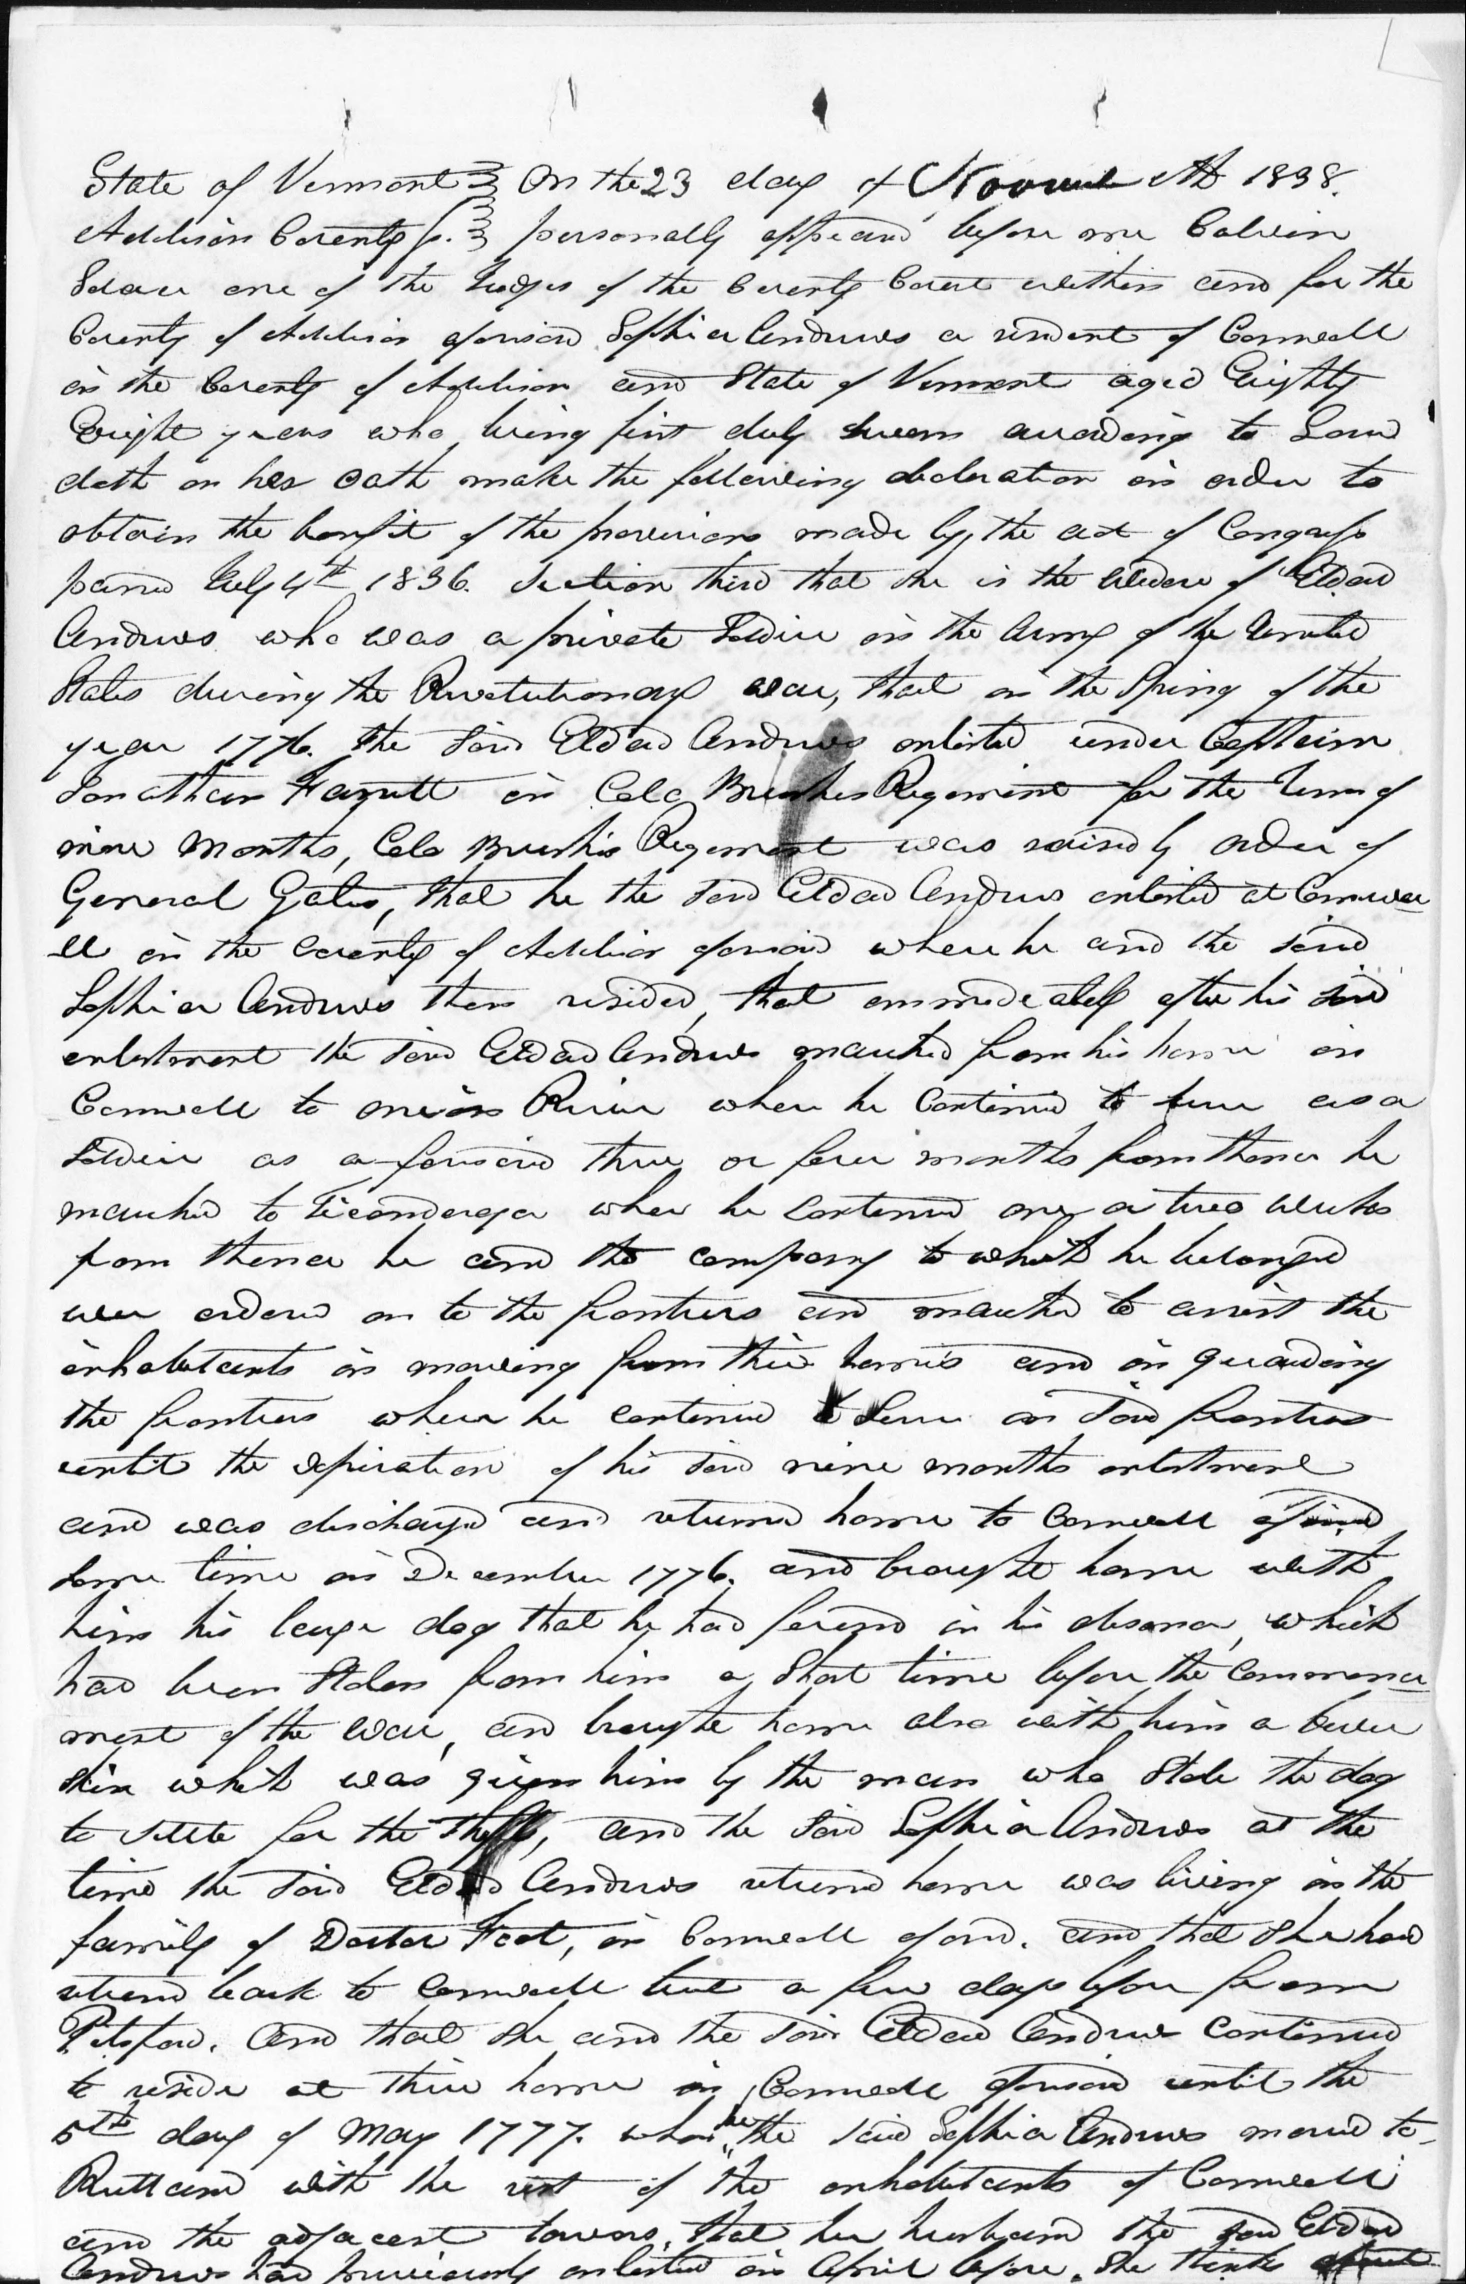State of Vermont ⎬ 
Addison County
On the 23 day of Nov AD 1838  personally appeared before me Calvin Slav one of the Judges of the County Court [illegible] and for the
County of Addison aforesaid Sophia Andrus a resident of Cornwall in the County of Addison and State of Vermont aged Eighty  Eight years who being first duly sworn according to Law
doth on her oath make the following declaration in order to obtain the benefit of the provisions made by the act of Congress passed July 4th 1836. Section third that she is the widow of Eldad Andrus who was a private soldier in the Army of the United States during the Revolutionary war, that on the spring of the
year 1776 the said Eldad Andrus enlisted under Captain Jonathan Farrett in Col Brushes Regiment for the term of nine months, Col Brush's Regiment was raised by order of General Gates, that he the said Eldad Andrus enlisted at Cornwall in the County of Addison aforesaid where he and the said Sophia Andrus then resided, that immediately after his said
enlistment the said Eldad Andrus marched from his home in Cornwall to Onion River where he continue to serve as a soldier as aforesaid three or four months from thence he marched to Ticonderoga when he continued on a two weeks from thence he and the company to which he belonged were ordered on to the frontiers and marched to assist the inhabitants in moving from their homes and in guarding the frontiers where he continued to serve on said frontier and the expiration of his said nine month enlistment 
and was discharged and returned home to Cornwall aforesaid some time in December 1776, and brought home him with him his [illegible] dog that he had found in his absence, which had been stolen from him a short time before the commencement of the war and brought home also with him a bever (beaver?) skin which was given him by the man who stole the dog
to settle for the theft, and the said Sophia Andrus at the time the said Eldad Andrus returned home was living in the family of Doctor Feat, in 
Cornwall of and. and that she had [illegible] back to Cornwall but a few days before from
Pitsford. And that she and the said Eldad Andrus continued to reside at their home in Cornwall aforesaid until the 5th day of May 1777 when she the said Sophia Andrus moved to
Rutland with the rest of the inhabitants of Cornwall and the adjacent towns, that her husband the said Eldad Andrus had previously enlisted in April before. she thinks about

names: Eldad Andrus, Sophia Andrws, Eldad Andrws, Sophia Andrws, Eldad Andrws, Sophia Andrws, Eldad Andrws, Gates, Eldad Andrws, Eldad Andrws, Eldad Andrus, Sophia Andrews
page: 2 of 27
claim: rejected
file: R. 223, Eldad Andrus, Vt.